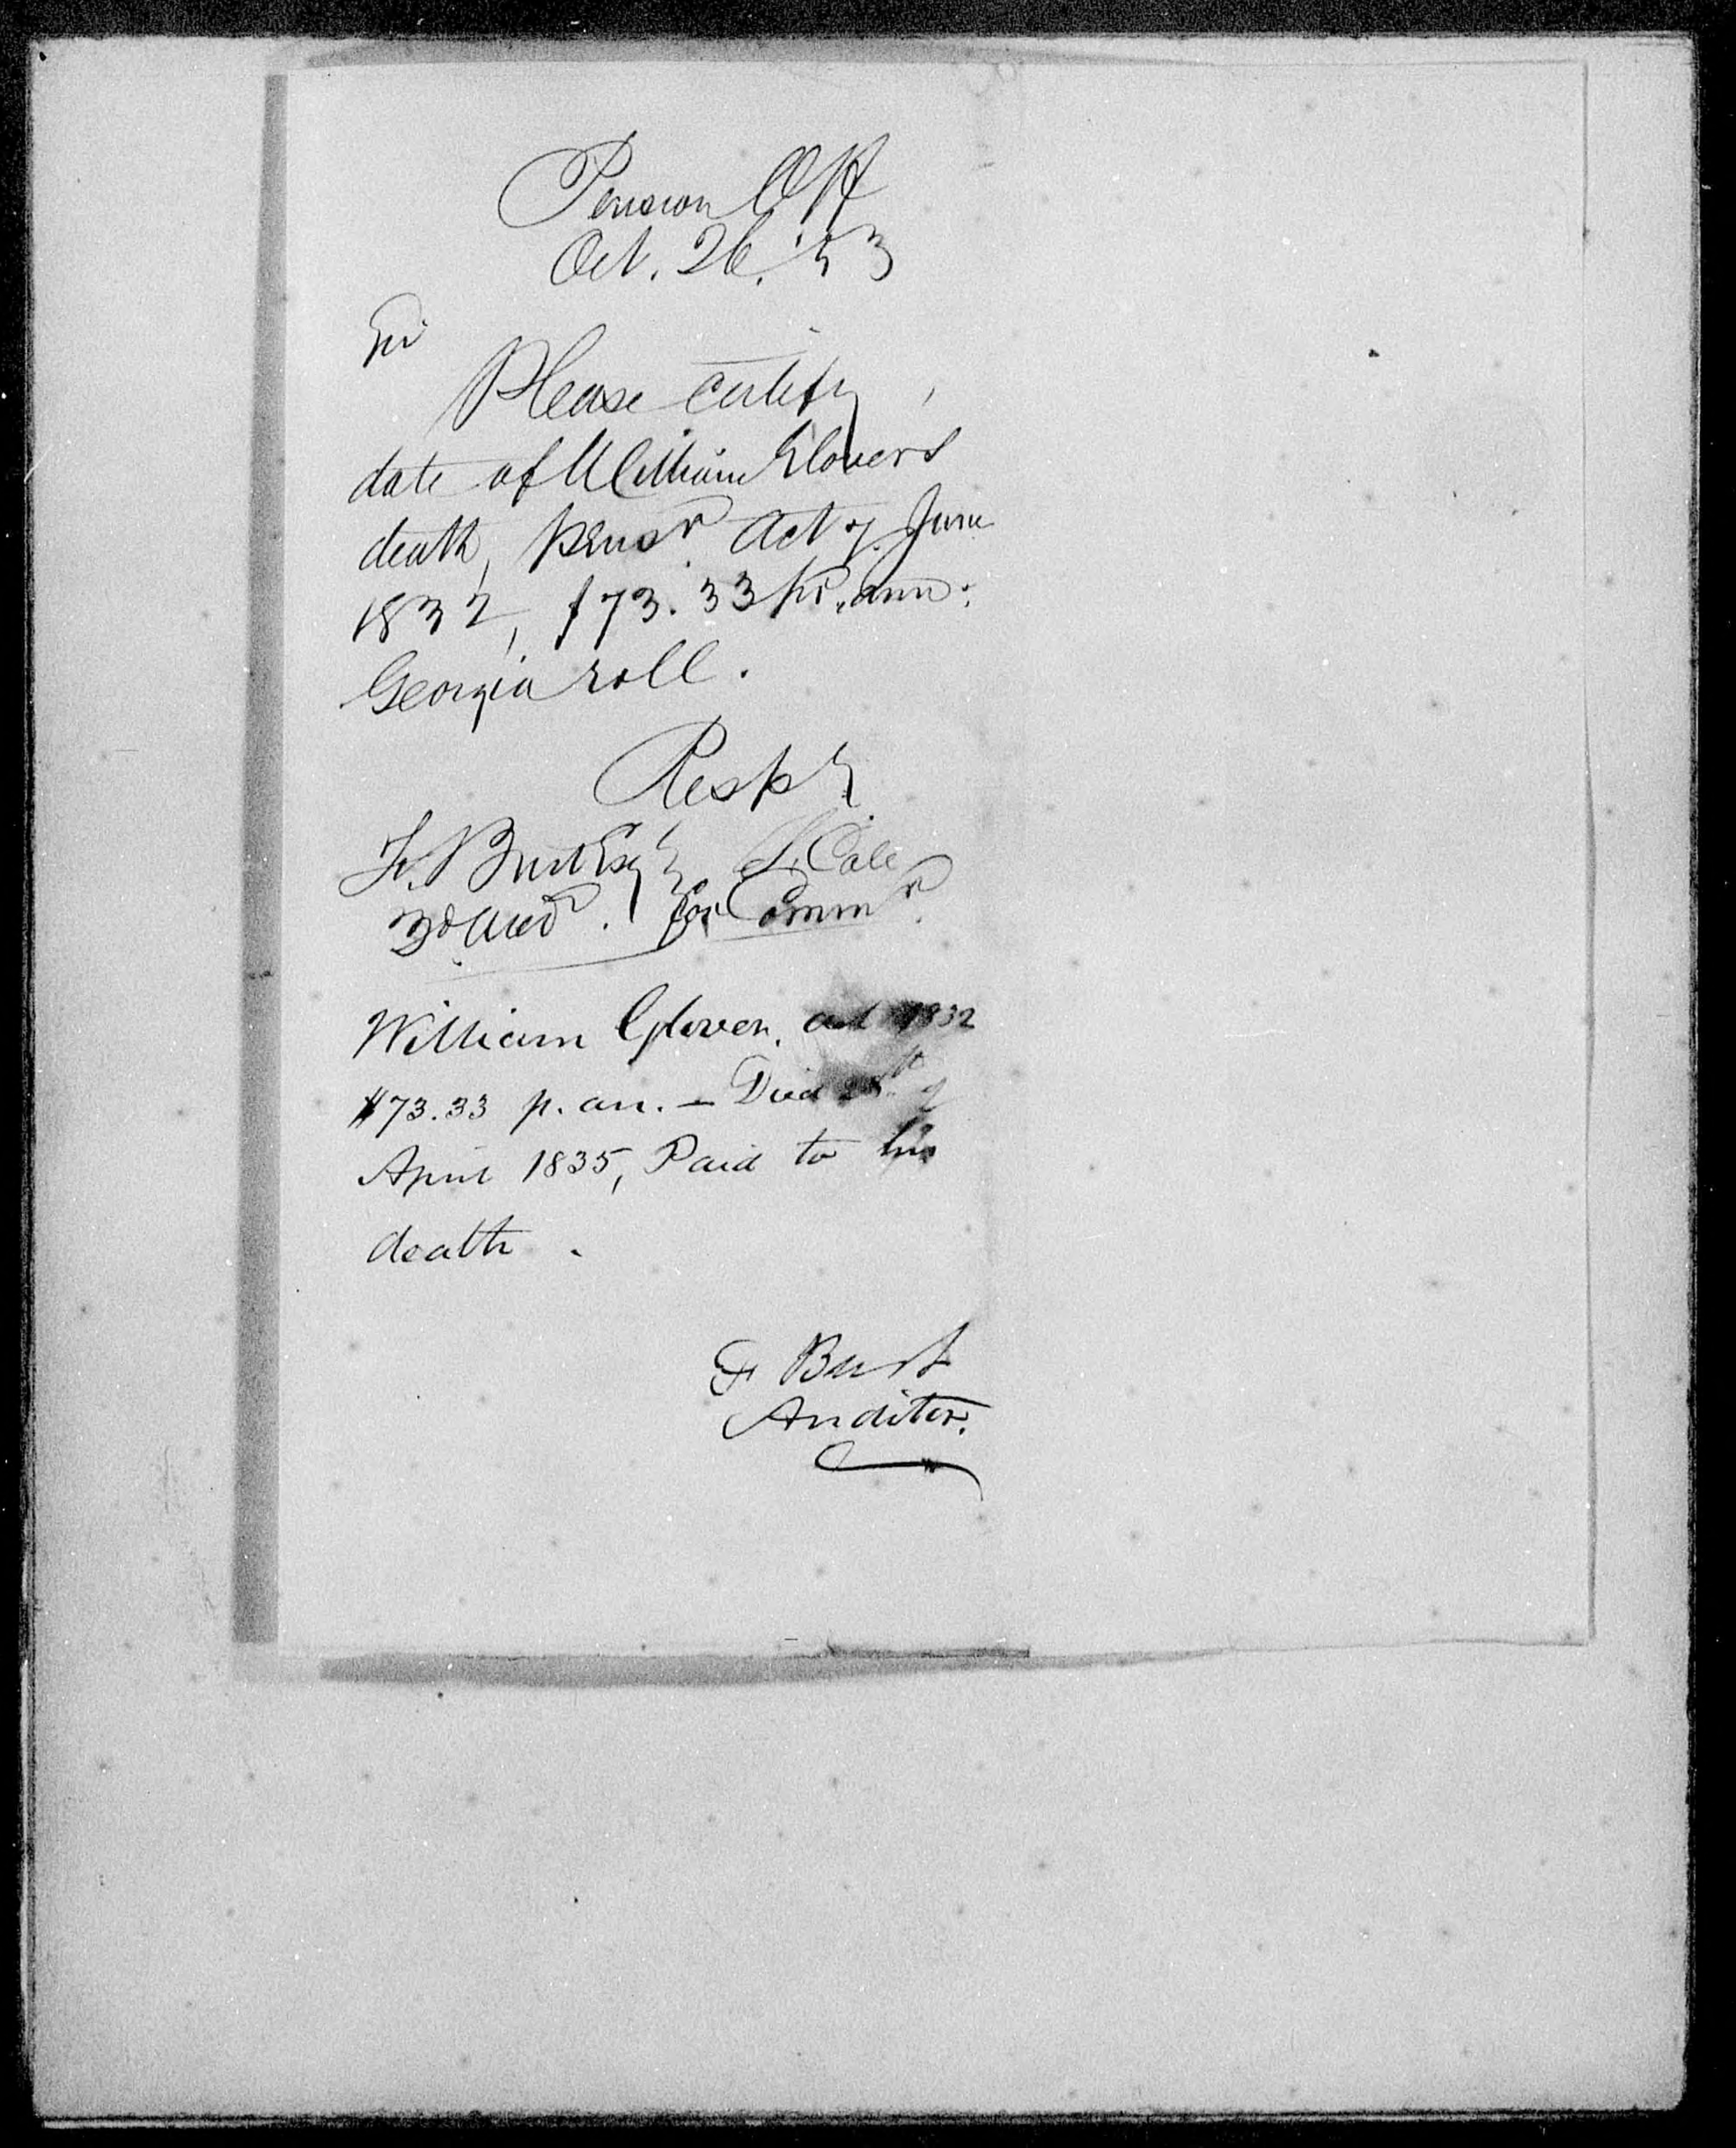Pension Roll 
Oct. 26. '53

Sir
Please certify date of William Glover 
death, pension Act of June 
1832, 173.33 pr.ann

Georgia roll.

Respectfully
F. Burt Esq}
[illegible]}

S.Cole 
Case Comm

William Glover Oct 1832
$73.33 p.an.-Died 28th 
April 1835, Paid to his 
death. 

F. Burt
Auditor.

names: F Burt, S Cole, F Burt, William Glover, William Glover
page: 25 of 51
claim: widow's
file: W. 929, William Glover, N.C.